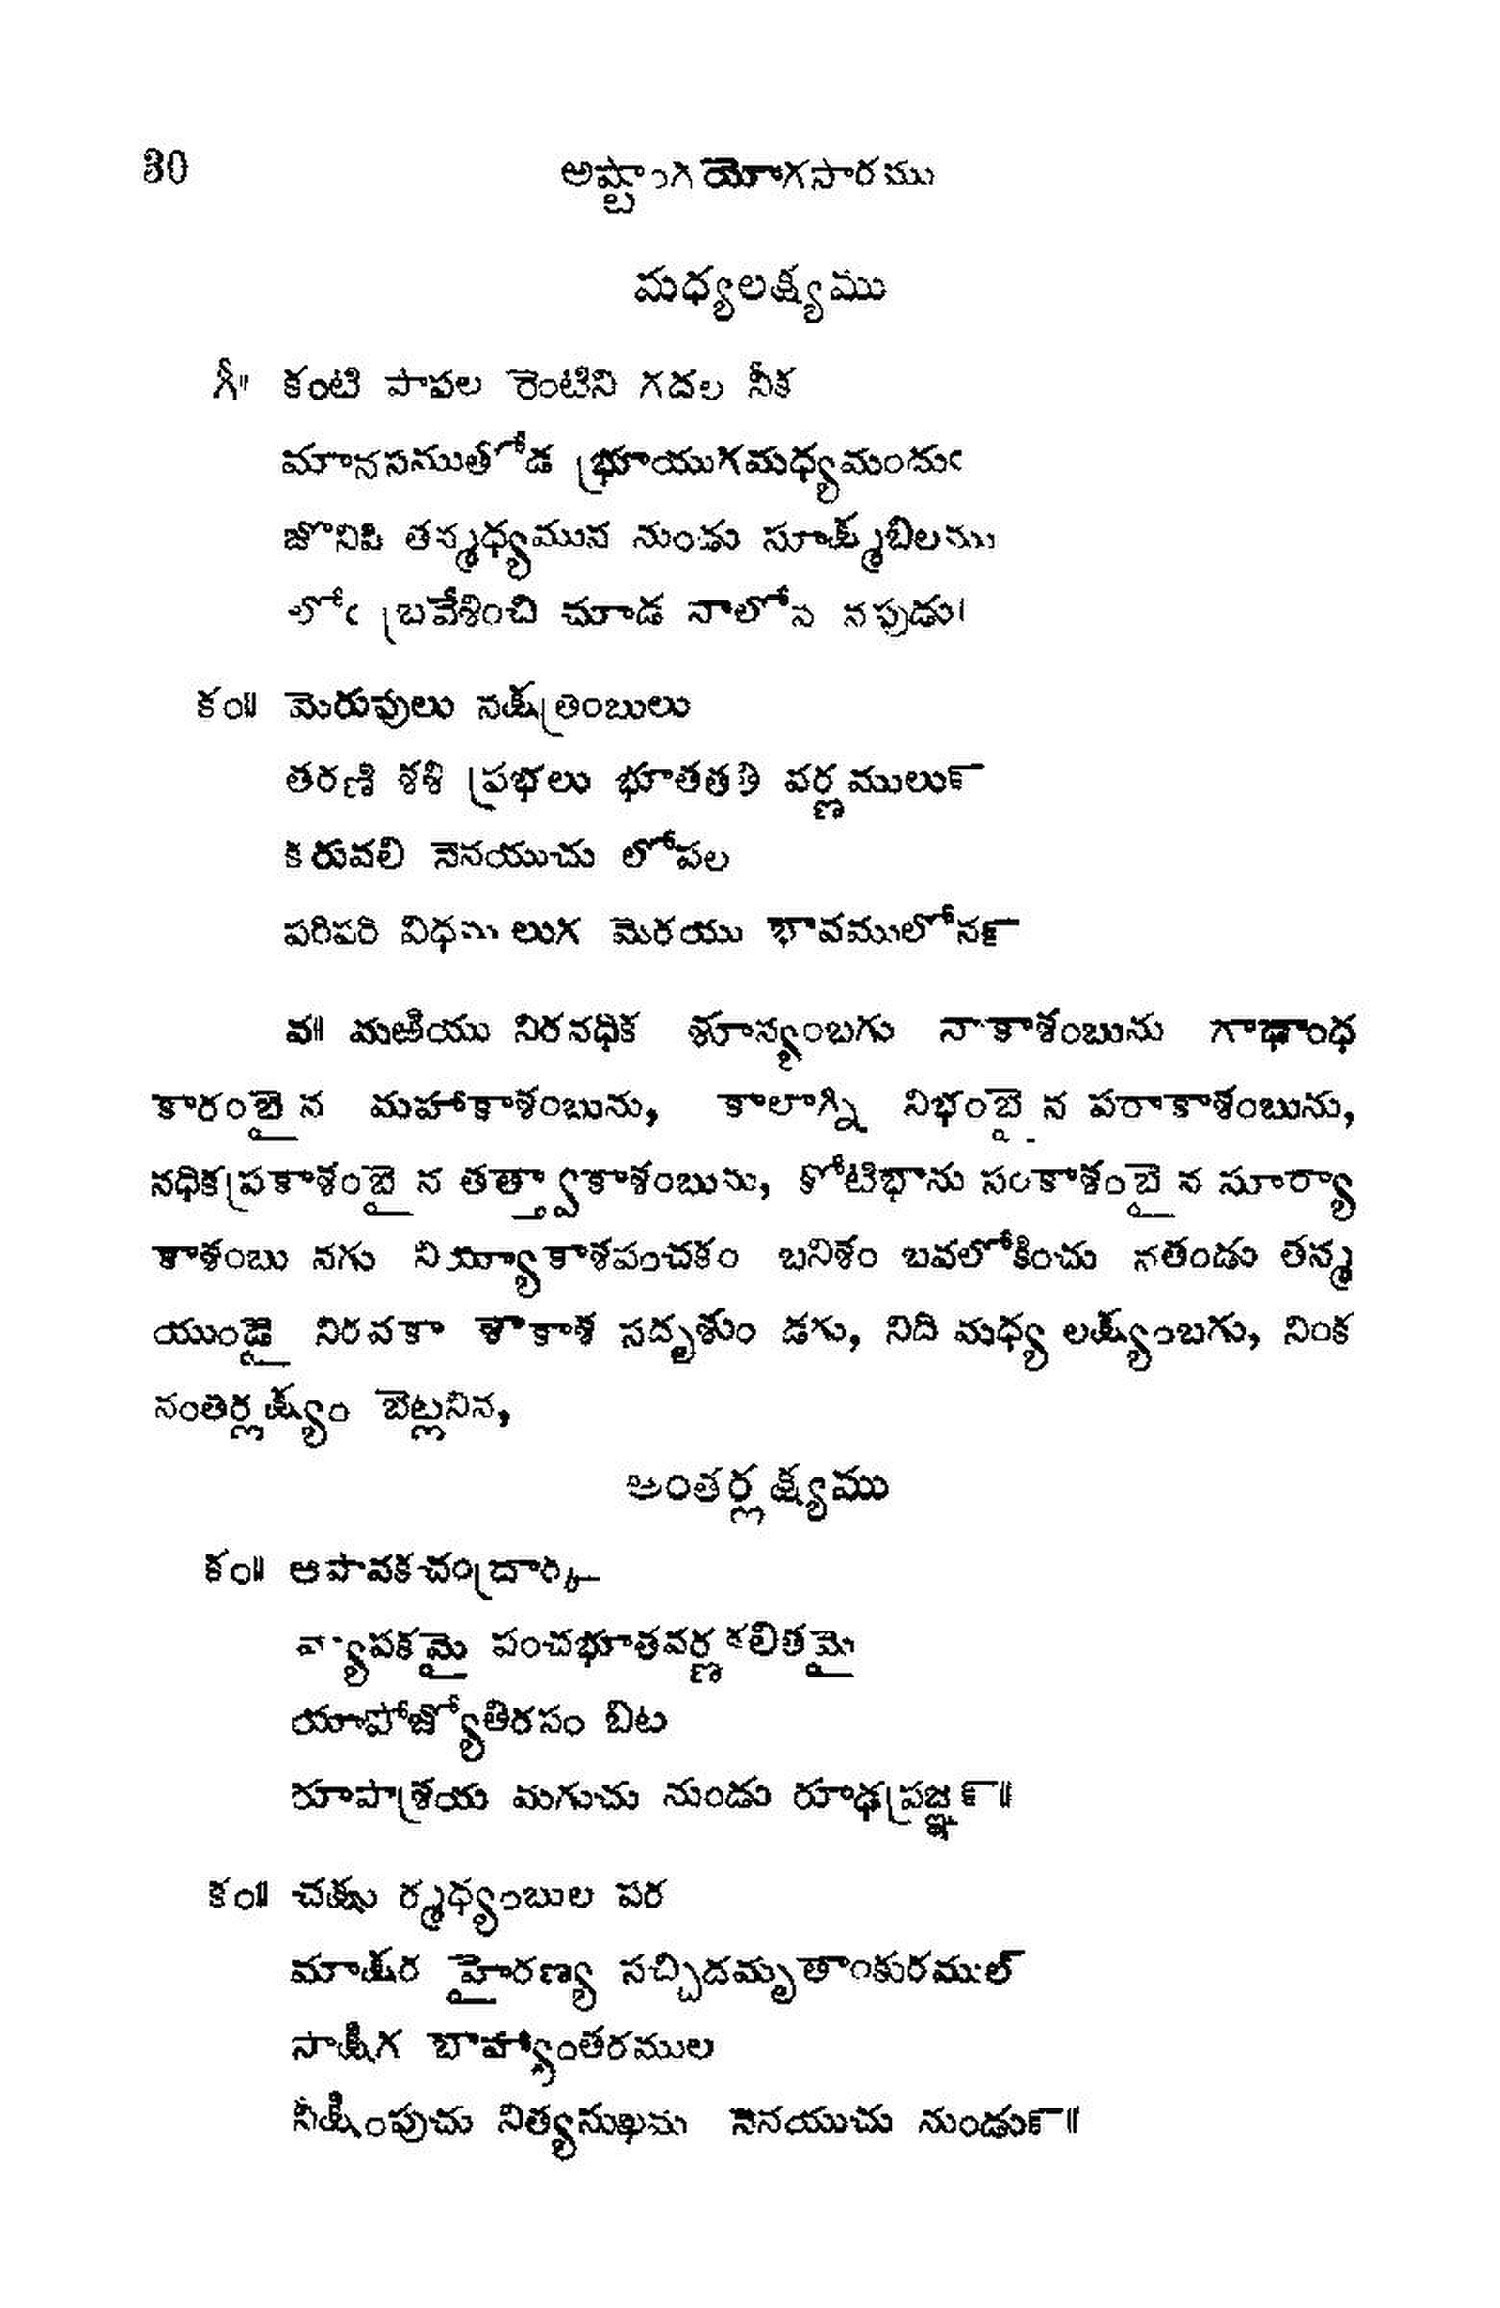గీ. కంటిపాపల రెంటిని గదలనీక
 మానసముతోడ భ్రూయుగమధ్యమందుఁ
 జొనిపి తన్మధ్యమున నుండు సూక్ష్మబిలము
 లోఁ బ్రవేశించి చూడ నాలోన నపుడు.
క. మెరుపులు నక్షత్రంబులు
 తరణి శశి ప్రభలు భూతతతి వర్ణములున్
 కరువలి నెనయుచు లోపల
 పరిపరి విధములుగ మెరయు భావములోనన్.
వ. మఱియు నిరవధికశూన్యంబగు నాకాశంబును గాఢాంధకారంబైన మహాకాశంబును, కాలాగ్నినిభంబైన పరాకాశంబును, నధికప్రకాశంబైన తత్త్వాకాశంబును, కోటిభానుసంకాశంబైన సూర్యాకాశంబు నగు నియ్యాకాశపంచకం బనిశం బవలోకించు నతండు తన్మయుండై నిరవకాశాకాశసదృశుం డగు, నిది మధ్యలక్ష్యంబగు, నింక నంతర్లక్ష్యం బెట్లనిన,

క. ఆపావకచంద్రార్క
 వ్యాపకమై పంచభూతవర్ణకలితమై
 యాపోజ్యోతిరసం బిట
 రూపాశ్రయ మగుచు నుండు రూఢప్రజ్ఞన్.
క. చక్షుర్మధ్యంబుల పర
 మాక్షరహైరణ్యసచ్చిదమృతాంకురముల్
 సాక్షిగ బాహ్యాంతరముల
 నీక్షింపుచు నిత్యసుఖము నెనయుచు నుండున్.